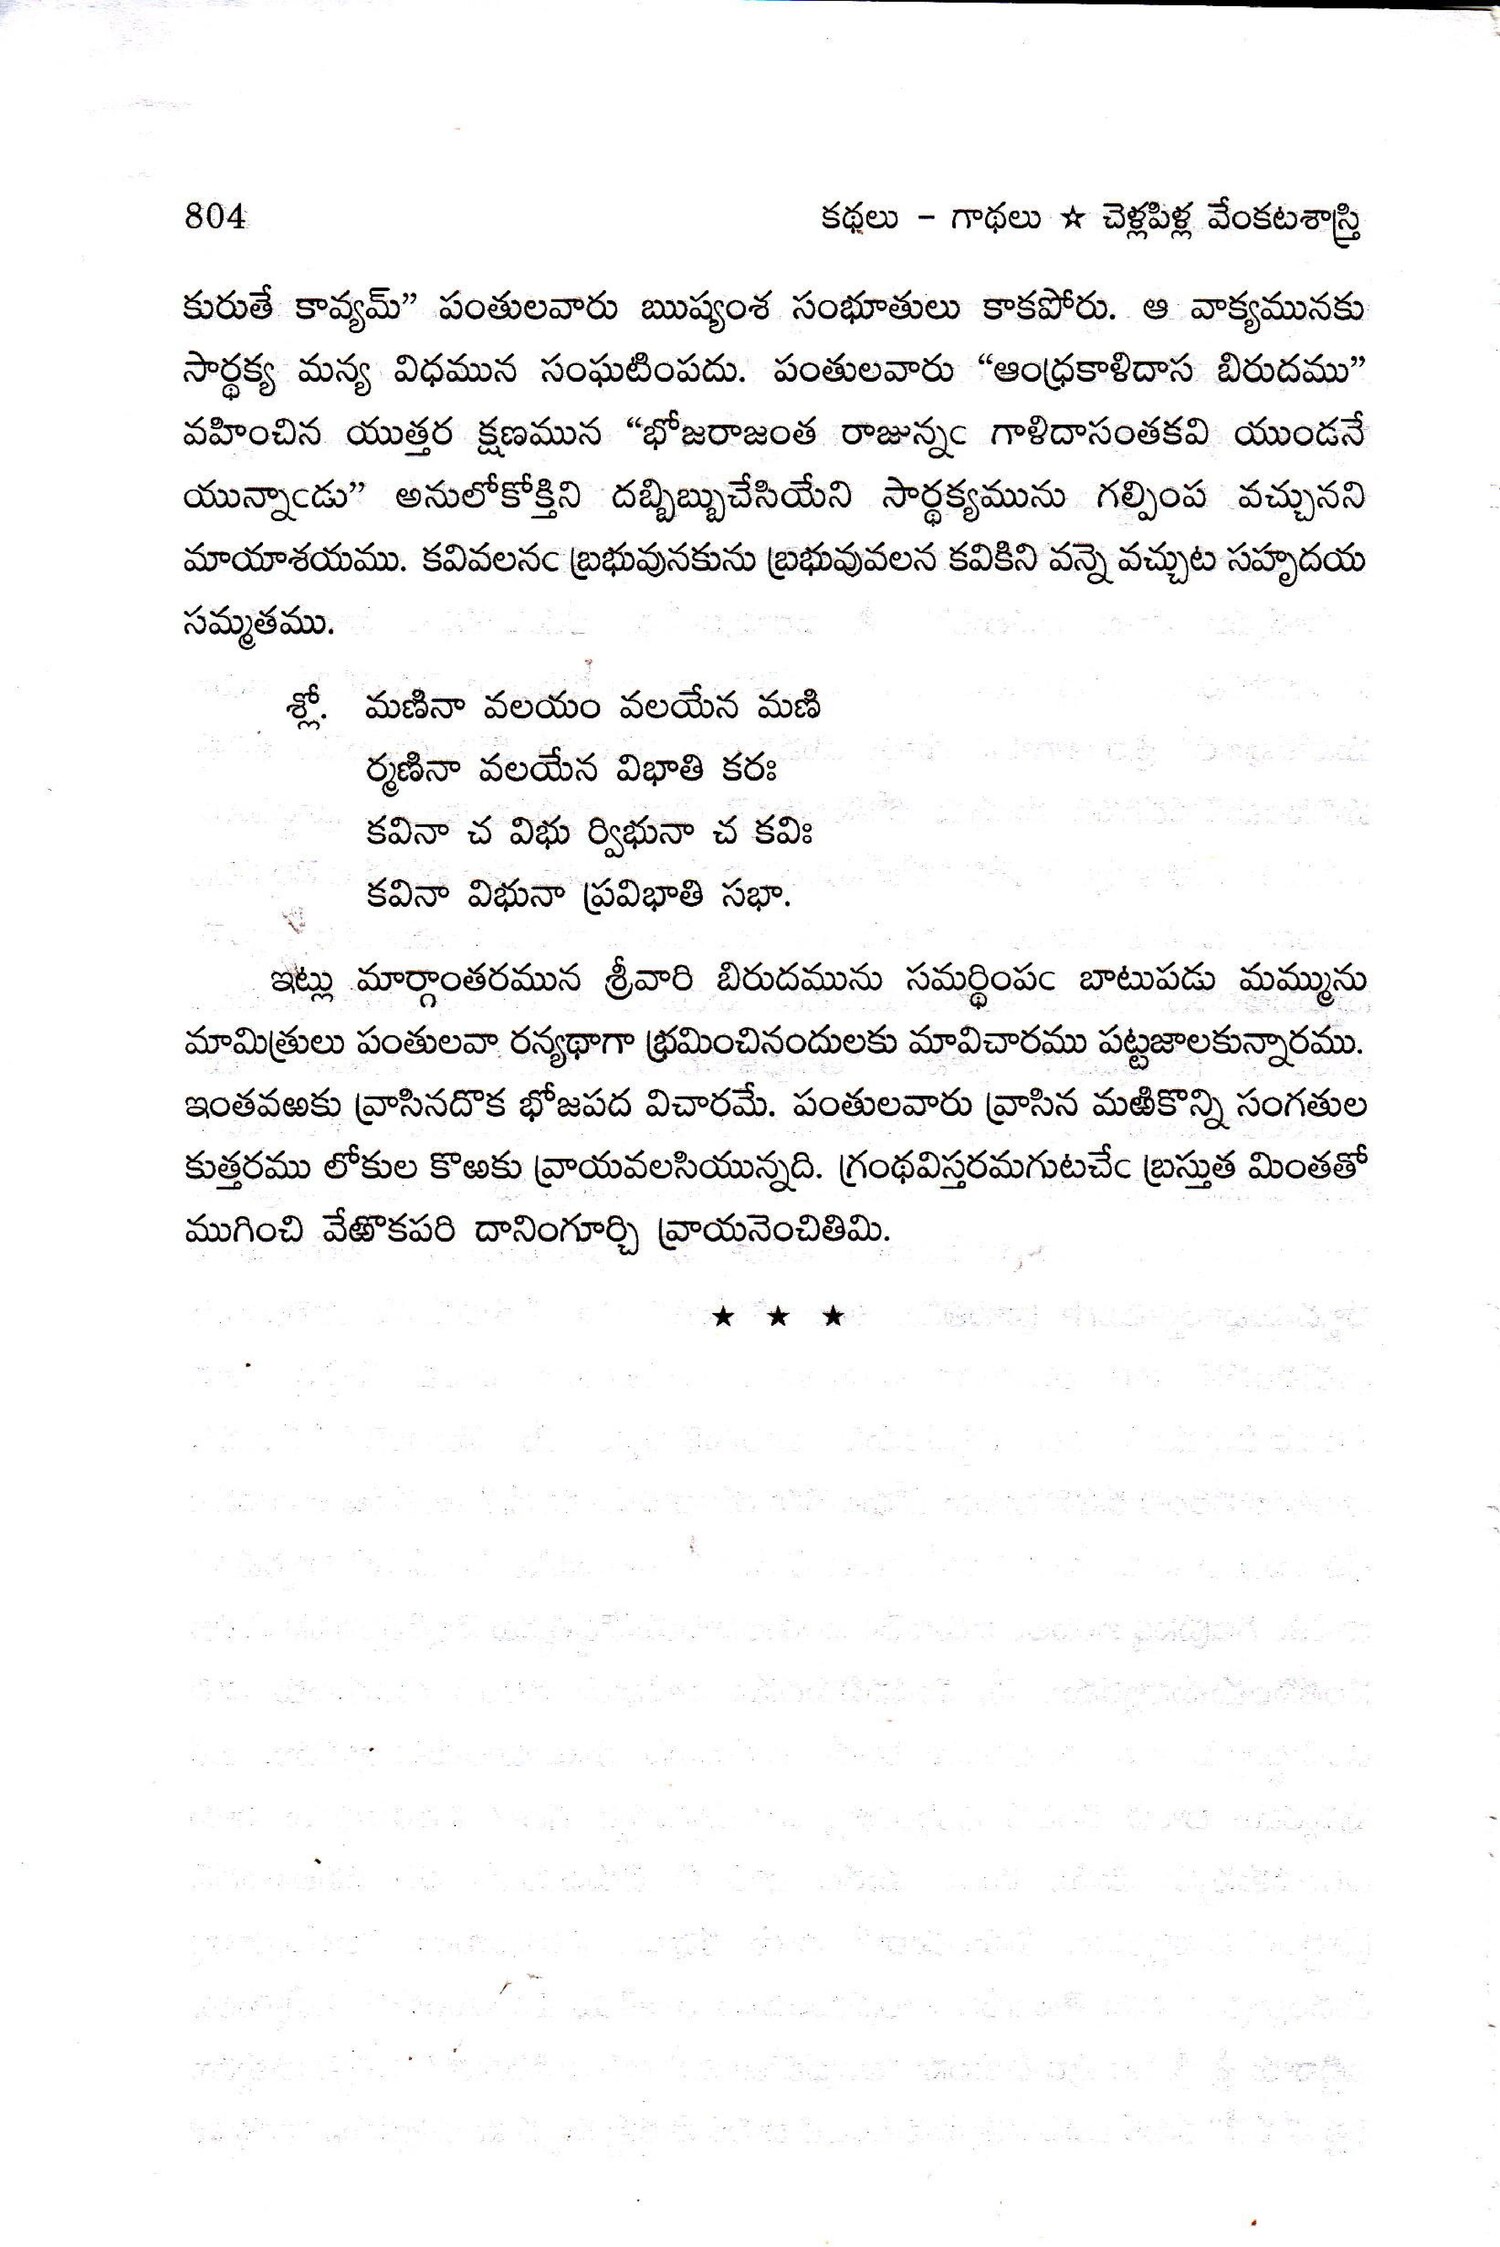కురుతే కావ్యమ్" పంతులవారు ఋష్యంశ సంభూతులు కాకపోరు. ఆ వాక్యమునకు సార్థక్య మన్య విధమున సంఘటింపదు. పంతులవారు "ఆంధ్రకాళిదాస బిరుదము" వహించిన యుత్తర క్షణమున “భోజరాజంత రాజున్నఁ గాళిదాసంతకవి యుండనే యున్నాఁడు” అనులోకోక్తిని దబ్బిబ్బుచేసియేని సార్ధక్యమును గల్పింప వచ్చునని మాయాశయము. కవివలనఁ బ్రభువునకును బ్రభువువలన కవికిని వన్నెవచ్చుట సహృదయ సమ్మతము. -

శ్లో. మణినా వలయం వలయేన మణి
 ర్మణినా వలయేన విభాతి కరః 
 కవినా చ విభు ర్విభునా చ కవి: 
 కవినా విభునా ప్రవిభాతి సభా. 
ఇట్లు మార్గాంతరమున శ్రీవారి బిరుదమును సమర్ధింపఁ బాటుపడు మమ్మును మామిత్రులు పంతులవా రన్యథాగా భ్రమించినందులకు మావిచారము పట్టజాలకున్నారము. ఇంతవఱకు వ్రాసినదోక భోజపద విచారమే. పంతులవారు వ్రాసిన మఱికొన్ని సంగతుల కుత్తరము లోకుల కొఱకు వ్రాయవలసియున్నది. గ్రంథవిస్తరమగుటచేఁ బ్రస్తుత మింతతో ముగించి వేఱొకపరి దానింగూర్చి వ్రాయనెంచితిమి.